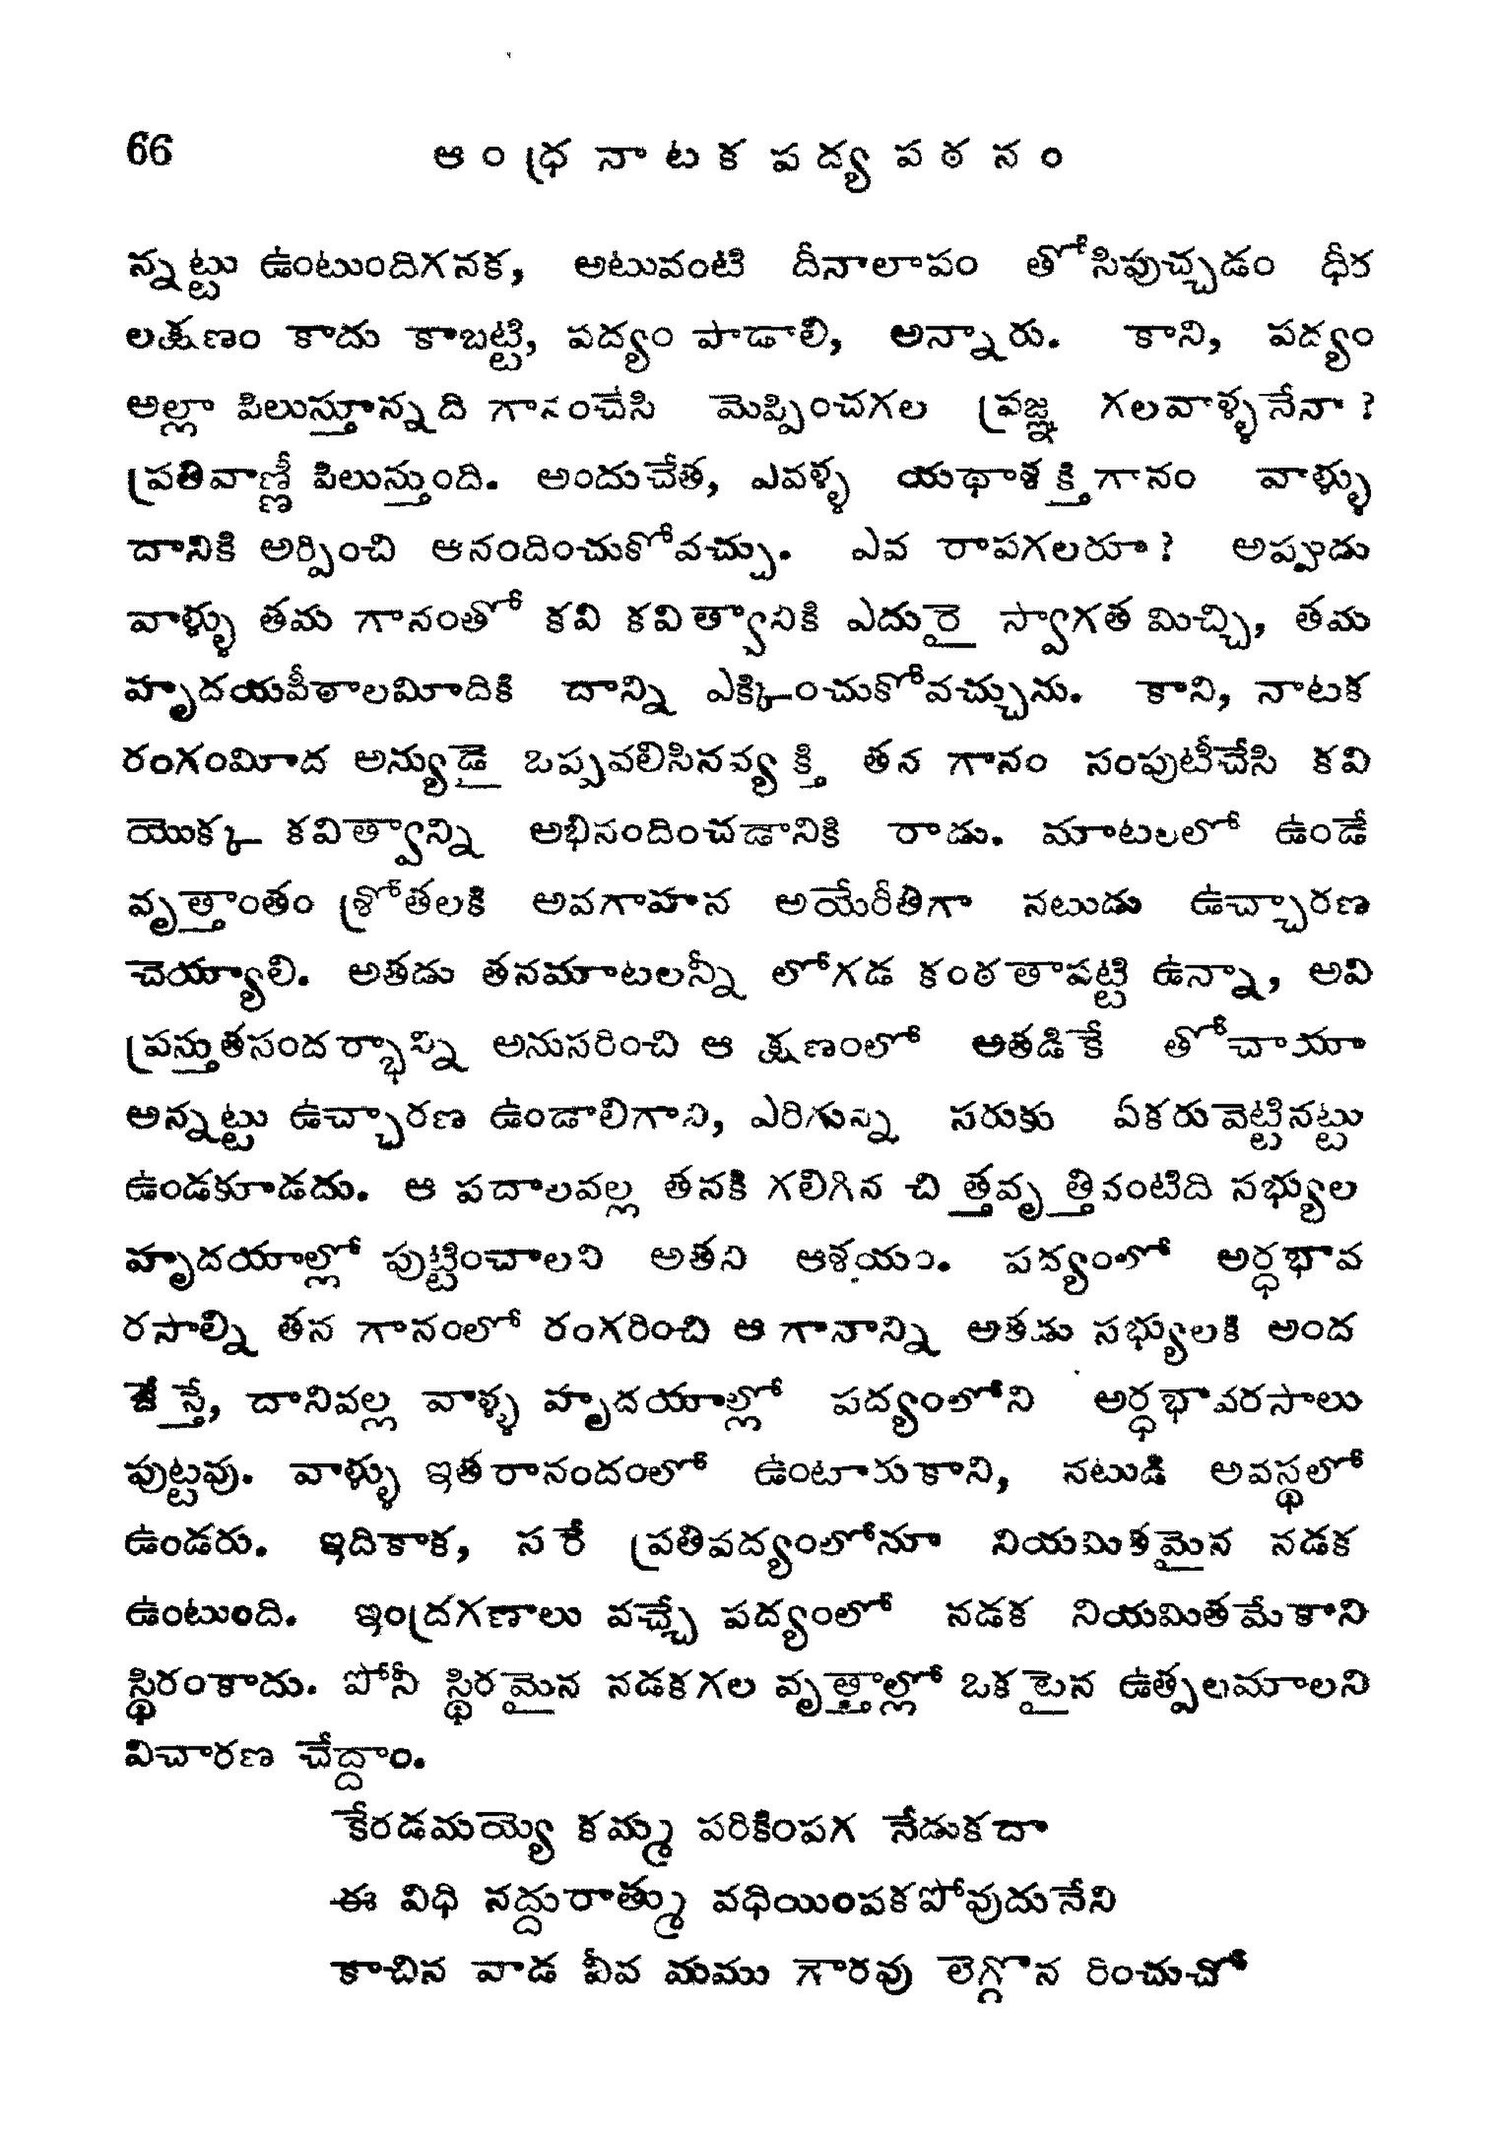న్నట్టు ఉంటుందిగనక, అటువంటి దీనాలాపం తోసిపుచ్చడం ధీర
లక్షణం కాదు కాబట్టి, పద్యం పాడాలి, అన్నారు. కాని, పద్యం
అల్లా పిలుస్తూన్నది గానంచేసి మెప్పించగల ప్రజ్ఞ గలవాళ్ళనేనా ?
ప్రతివాణ్ణీ పిలుస్తుంది. అందుచేత, ఎవళ్ళ యథాశక్తిగానం వాళ్ళు
దానికి అర్పించి ఆనందించుకోవచ్చు. ఎవ రాపగలరూ ? అప్పుడు
వాళ్ళు తమ గానంతో కవి కవిత్వానికి ఎదురై స్వాగతమిచ్చి, తమ
హృదయపీఠాలమీదికి దాన్ని ఎక్కించుకోవచ్చును. కాని, నాటక
రంగంమీద అన్యుడై ఒప్పవలిసినవ్యక్తి తన గానం సంపుటీచేసి కవి
యొక్క కవిత్వాన్ని అభినందించడానికి రాడు. మాటలలో ఉండే
వృత్తాంతం శ్రోతలకి అవగాహన అయేరీతిగా నటుడు ఉచ్చారణ
చెయ్యాలి. అతడు తనమాటలన్నీ లోగడ కంఠతాపట్టి ఉన్నా, అవి
ప్రస్తుతసందర్భాన్ని అనుసరించి ఆ క్షణంలో అతడికే తోచాయా
అన్నట్టు ఉచ్ఛారణ ఉండాలిగాని, ఎరిగున్న సరుకు ఏకరుపెట్టినట్టు
ఉండకూడదు. ఆ పదాలవల్ల తనకి గలిగిన చిత్తవృత్తివంటిది సభ్యుల
హృదయాల్లో పుట్టించాలని అతని ఆశయం. పద్యంలో అర్ధభావ
రసాల్ని తన గానంలో రంగరించి ఆ గానాన్ని అతడు సభ్యులకి అంద
జేస్తే, దానివల్ల వాళ్ళ హృదయాల్లో పద్యంలోని అర్ధభావరసాలు
పుట్టవు. వాళ్ళు ఇతరానందంలో ఉంటారుకాని, నటుడి అవస్థలో
ఉండరు. ఇదికాక, సరే ప్రతిపద్యంలోనూ నియమితమైన నడక
ఉంటుంది. ఇంద్రగణాలు వచ్చే పద్యంలో నడక నియమితమేకాని
స్థిరంకాదు. పోనీ స్థిరమైన నడకగల వృత్తాల్లో ఒకటైన ఉత్పలమాలని
విచారణ చేద్దాం.

కేరడమయ్యె కమ్మ పరికింపగ నేడుకదా
ఈ విధి నద్దురాత్ము వధియింపకపోవుదునేని
కాచిన వాడ వీవ మము గౌరవు లెగ్గొన రించుచో